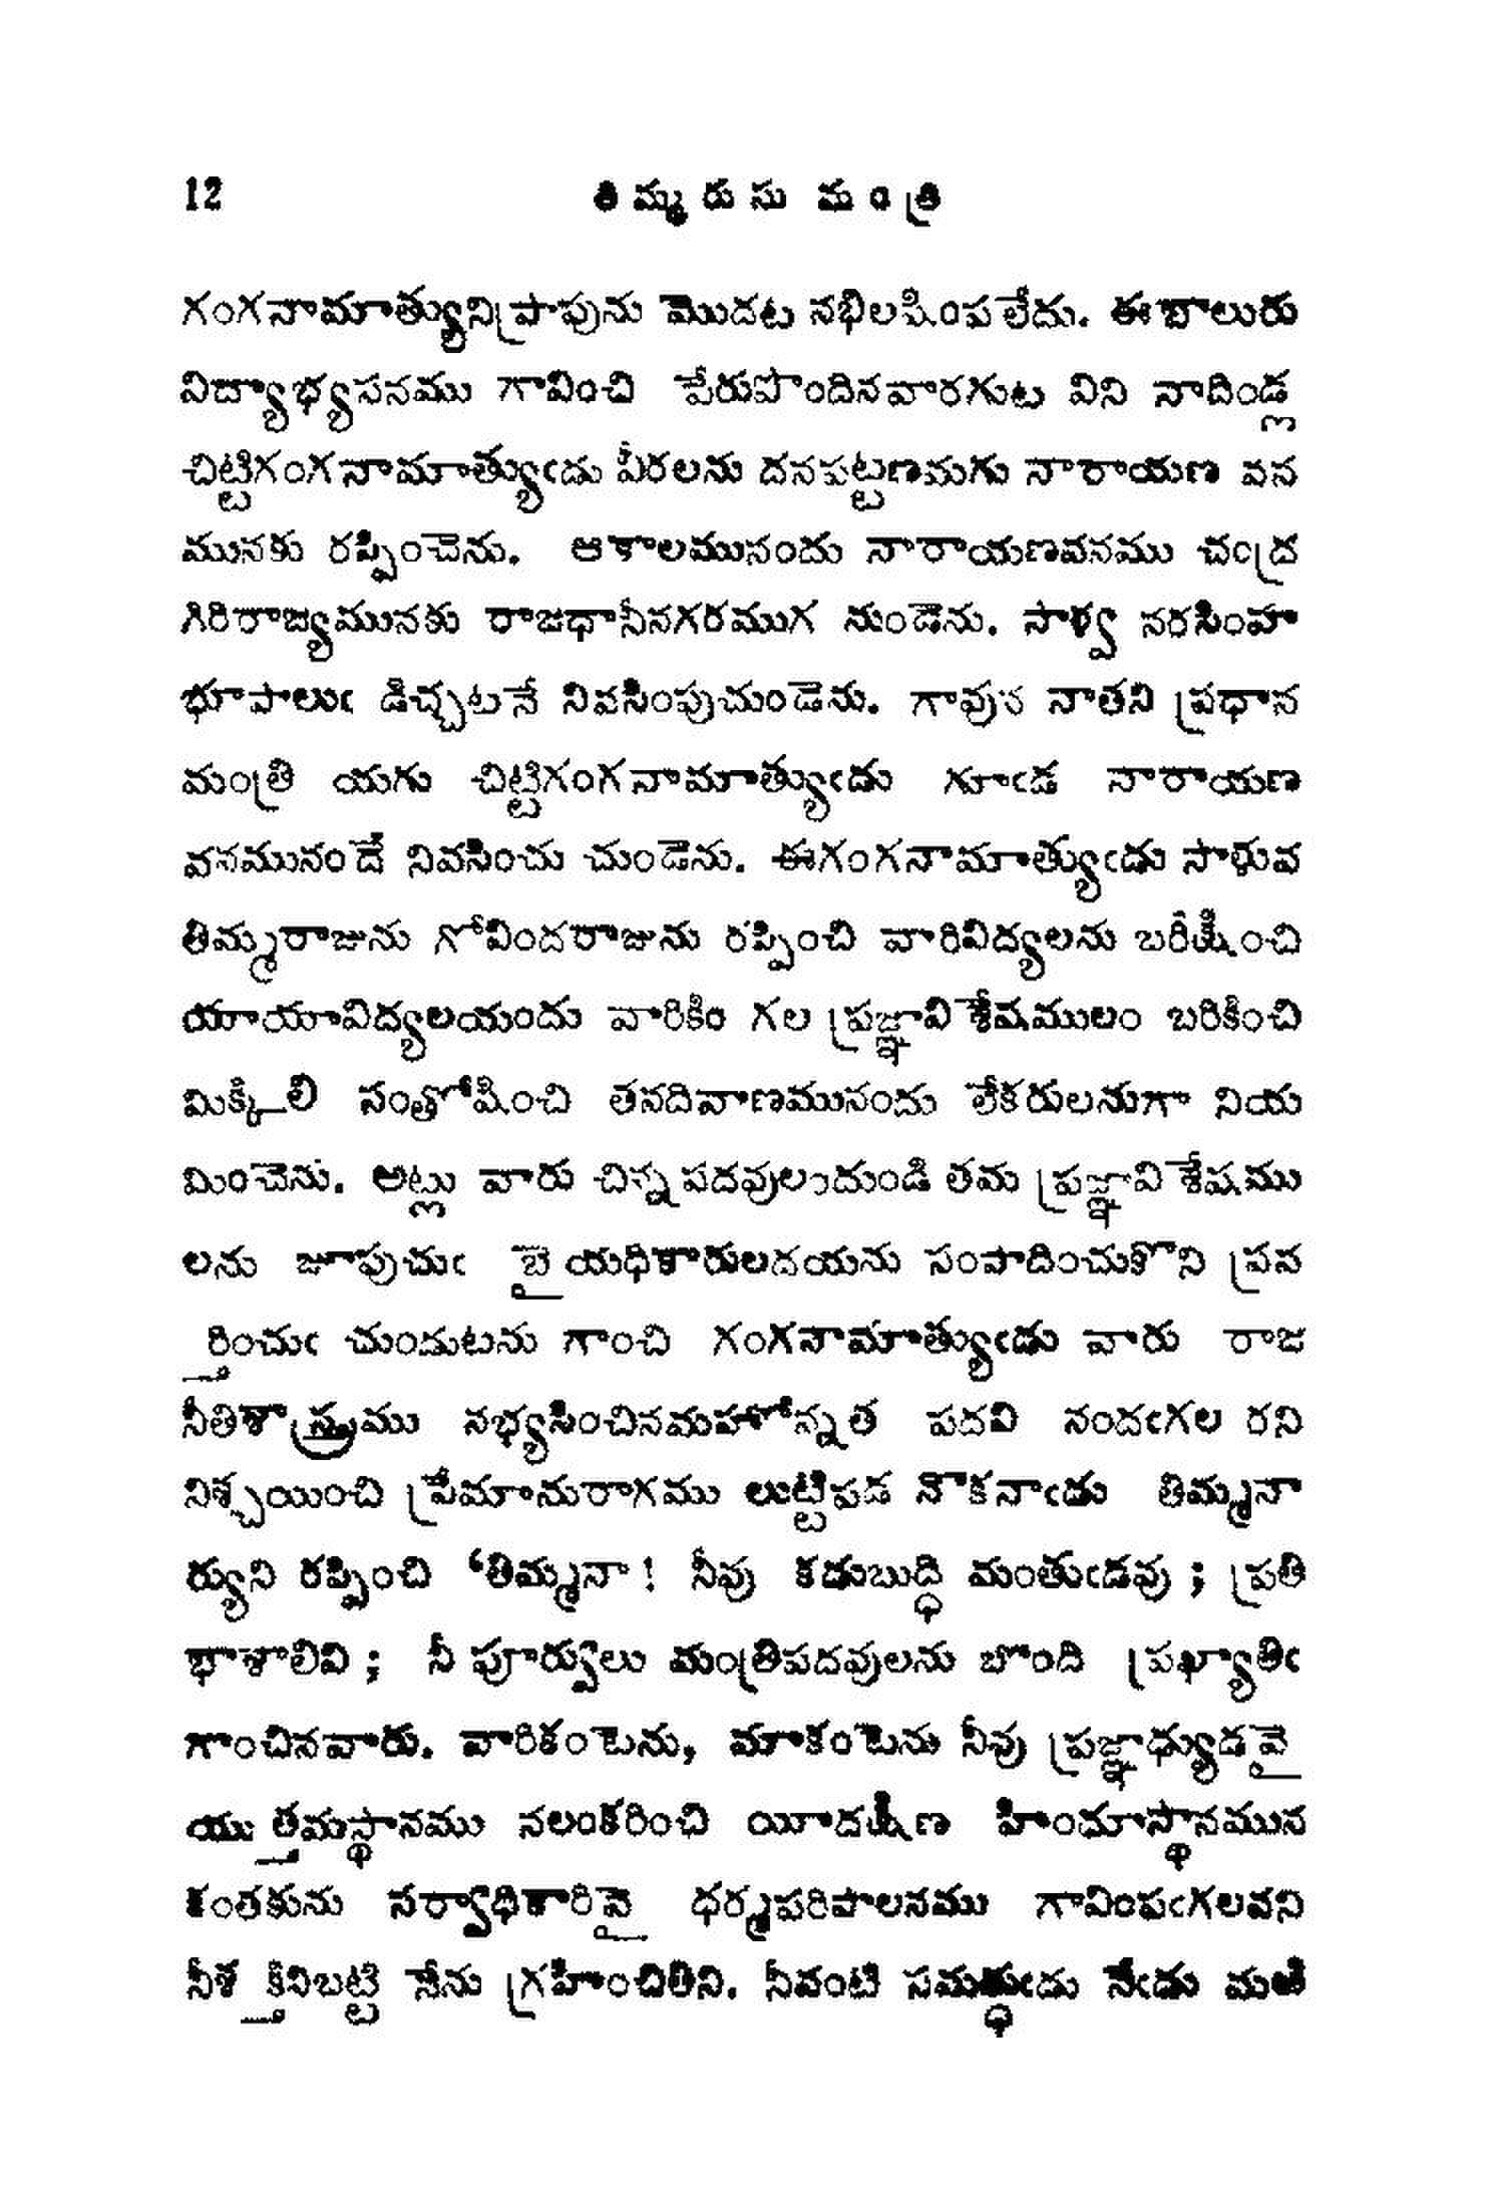గంగనామాత్యునిప్రాపును మొదట నభిలషింపలేదు. ఈబాలురు విద్యాభ్యసనము గావించి పేరుపొందినవారగుట విని నాదిండ్ల చిట్టిగంగనామాత్యుఁడు వీరలను దనపట్టణమగు నారాయణ వనమునకు రప్పించెను. ఆకాలమునందు నారాయణవనము చంద్రగిరిరాజ్యమునకు రాజధానీ నగరముగ నుండెను. సాళ్వ నరసింహభూపాలుఁ డిచ్చటనే నివసింపుచుండెను. గావున నాతని ప్రధానమంత్రి యగు చిట్టిగంగనామాత్యుఁడు గూఁడ నారాయణవనమునందే నివసించు చుండెను. ఈగంగనామాత్యుఁడు సాళువ తిమ్మరాజును గోవిందరాజును రప్పించి వారివిద్యలను బరీక్షించి యాయవిద్యలయందు వారికిం గల ప్రజ్ఞావిశేషములం బరికించి మిక్కిలి సంతోషించి తనదివాణమునందు లేకరులనుగా నియమించెను. అట్లు వారు చిన్నపదవులందుండి తమ ప్రజ్ఞావిశేషములను జూపుచుఁ బైయధికారులదయను సంపాదించుకొని ప్రవర్తించుఁ చుండుటను గాంచి గంగనామాత్యుఁడు వారు రాజనీతిశాస్త్రము నభ్యసించినమహోన్నత పదవి నందఁగల రని నిశ్చయించి ప్రేమానురాగము లుట్టిపడ నొకనాఁడు తిమ్మనార్యుని రప్పించి 'తిమ్మనా! నీవు కడుబుద్ధి మంతుఁడవు ; ప్రతిభాశాలివి ; నీ పూర్వులు మంత్రిపదవులను బొంది ప్రఖ్యాతిఁ గాంచినవారు. వారికంటెను, మాకంటెను నీవు ప్రజ్ఞాఢ్యుడవై యుత్తమస్థానము నలంకరించి యీదక్షిణ హిందూస్థానమున కంతకును సర్వాధికారివై ధర్మపరిపాలనము గావింపఁగలవని నీశక్తినిబట్టి నేను గ్రహించితిని. నీవంటి సమర్థుడు నేఁడు మఱి
-
-